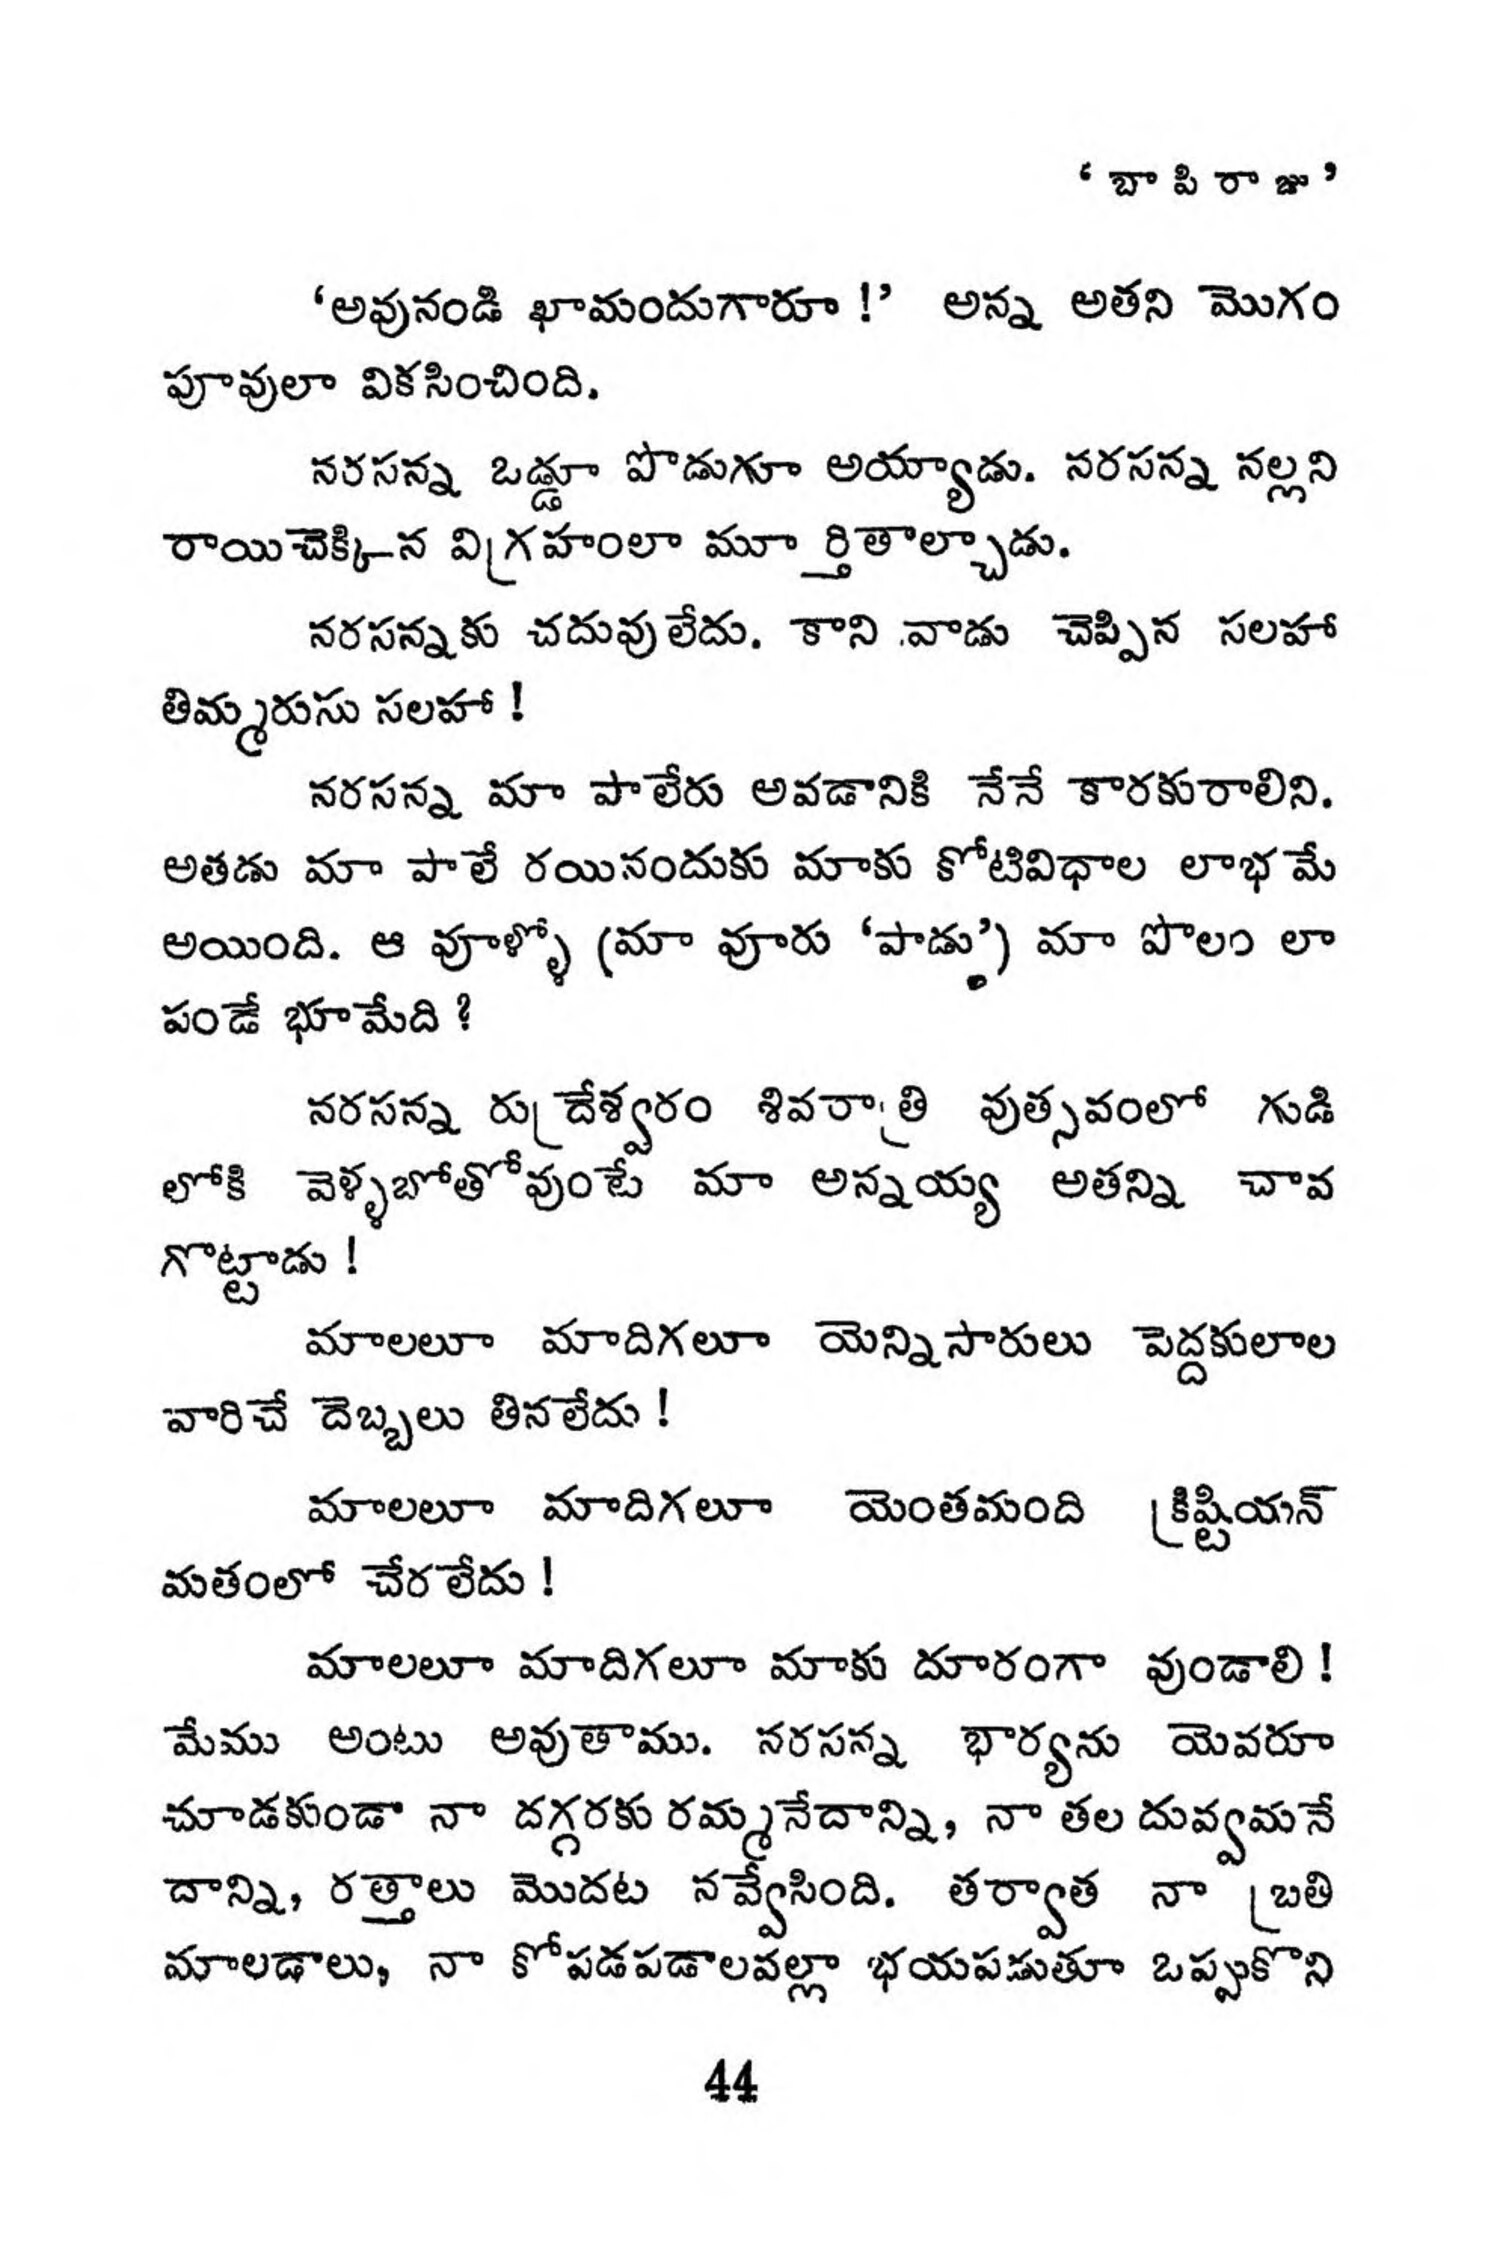'అవునండి ఖామందుగారూ!' అన్న అతని మొగం పూవులా వికసించింది.

నరసన్న ఒడ్డూ పొడుగూ అయ్యాడు. నరసన్న నల్లని రాయిచెక్కిన విగ్రహంలా మూర్తితాల్చాడు.

నరసన్నకు చదువులేదు. కాని వాడు చెప్పిన సలహా తిమ్మరుసు సలహా!

నరసన్న మా పాలేరు అవడానికి నేనే కారకురాలిని. అతడు మా పాలే రయినందుకు మాకు కోటివిధాల లాభమే అయింది. ఆ వూళ్ళో (మా వూరు 'పాడు') మా పొలం లా పండే భూమేది?

నరసన్న రుద్రేశ్వరం శివరాత్రి వుత్సవంలో గుడిలోకి వెళ్ళబోతోవుంటే మా అన్నయ్య అతన్ని చావ గొట్టాడు!

మాలలూ మాదిగలూ యెన్నిసారులు పెద్దకులాల వారిచే దెబ్బలు తినలేదు !

మాలలూ మాదిగలూ యెంతమంది క్రిష్టియన్ మతంలో చేరలేదు !

మాలలూ మాదిగలూ మాకు దూరంగా వుండాలి ! మేము అంటు అవుతాము. నరసన్న భార్యను యెవరూ చూడకుండా నా దగ్గరకు రమ్మనేదాన్ని, నా తల దువ్వమనే దాన్ని, రత్తాలు మొదట నవ్వేసింది. తర్వాత నా బ్రతిమాలడాలు, నా కోపడపడాలవల్లా భయపడుతూ ఒప్పుకొని